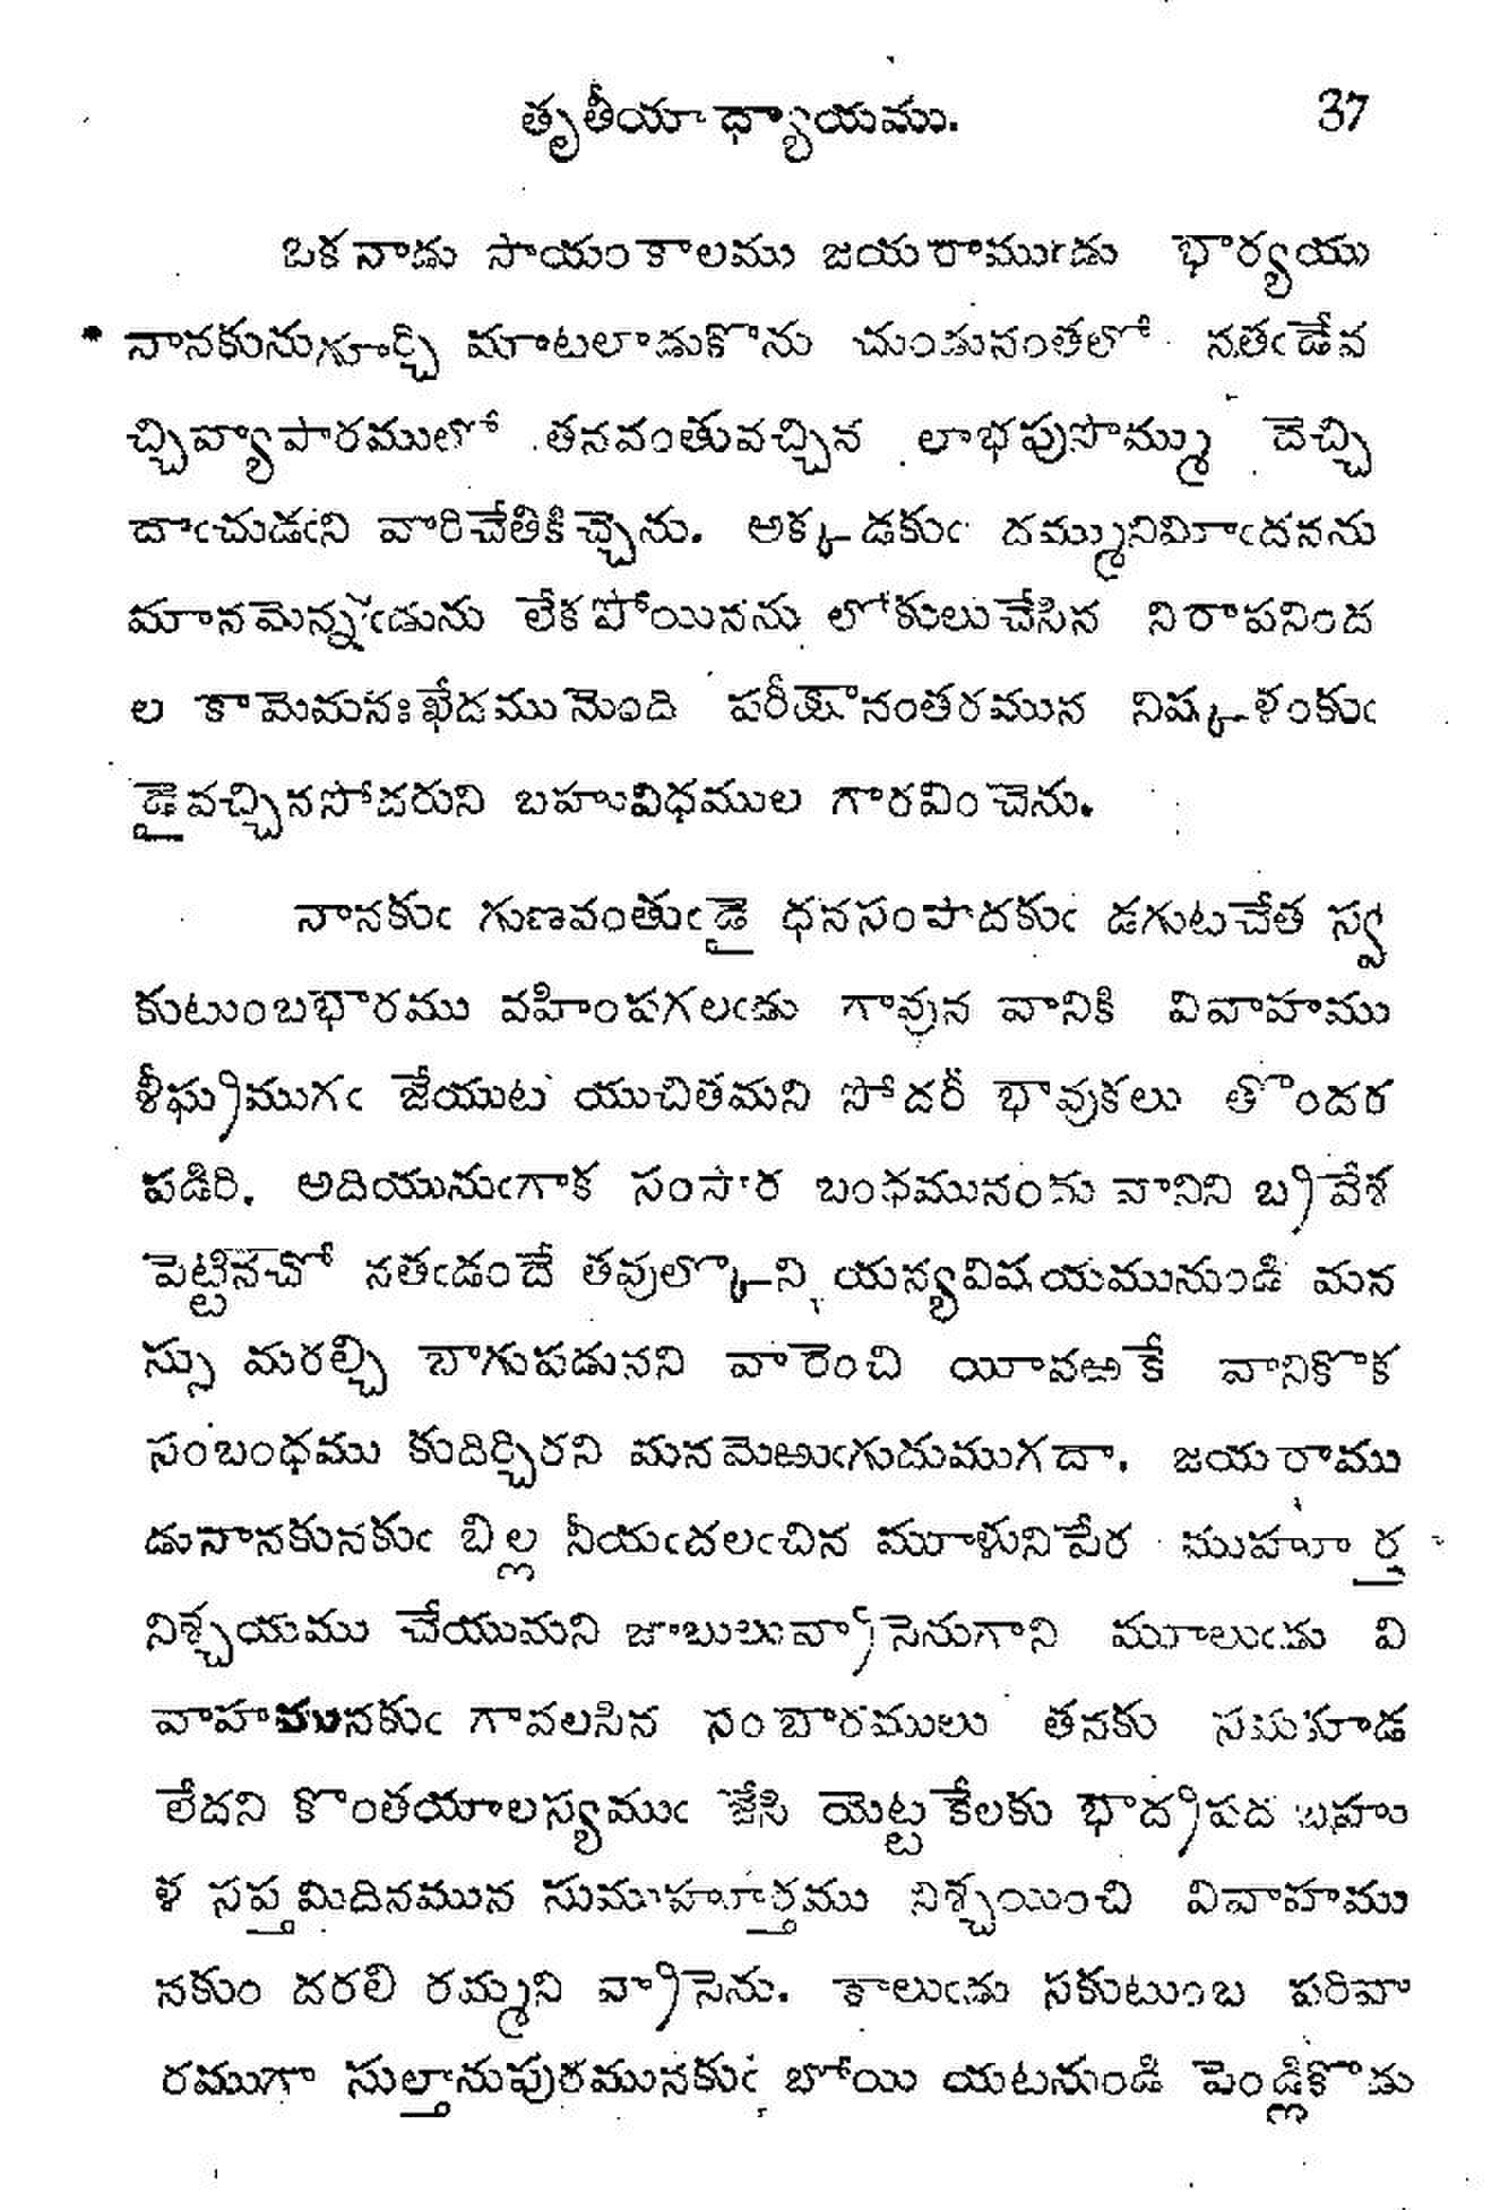ఒకనాడు సాయంకాలము జయరాముడు భార్యయు నానకునుగూర్చి మాటలాడుకొను చుండునంతలో నతడేవచ్చివ్యాపారములో తనవంతువచ్చిన లాభపుసొమ్ము దెచ్చి దాచుడని వారిచేతికిచ్చెను. అక్కడకు దమ్మునిమీదననుమానమెన్నడును లేకపోయినను లోకులుచేసిన నిరాపనిందల కామెమన:ఖేదమునొంది పరీక్షానంతరమున నిష్కళంకుడైవచ్చినసోదరుని బహువిధముల గారవించెను.

నానకు గుణవంతుడై ధనసంపాదకు డగుటచేత స్వకుటుంబభారము వహింపగలడు గావున వానికి వివాహము శీఘ్రముగ జేయుట యుచితమని సోదరీ భావుకలు తొందర పడిరి. అదియునుగాక సంసార బంధమునందు వానిని బ్రవేశపెట్టినచో నతడందే తవుల్కొని యన్యవిషయమునుండి మనస్సు మరల్చి బాగుపడునని వారెంచి యీవఱకే వానికొక సంబంధము కుదిర్చిరని మనమెఱుగుదుముగదా. జయరాముడు నానకునకు బిల్ల నీయదలచిన మూళునిపేర ముహూర్త నిశ్చయము చేయుమని జాబులువ్రాసెనుగాని మూలుడు వివాహమునకు గావలసిన సంబారములు తనకు సమకూడలేదని కొంతయాలస్యము జేసి యెట్టకేలకు భాద్రపద బహుళ సప్తమిదినమున సుముహూర్తము నిశ్చయించి వివాహమునకుం దరలి రమ్మని వ్రాసెను. కాలుడు సకుటుంబ పరివారముగా సుల్తానుపురమునకు బోయి యటనుండి పెండ్లికొడు